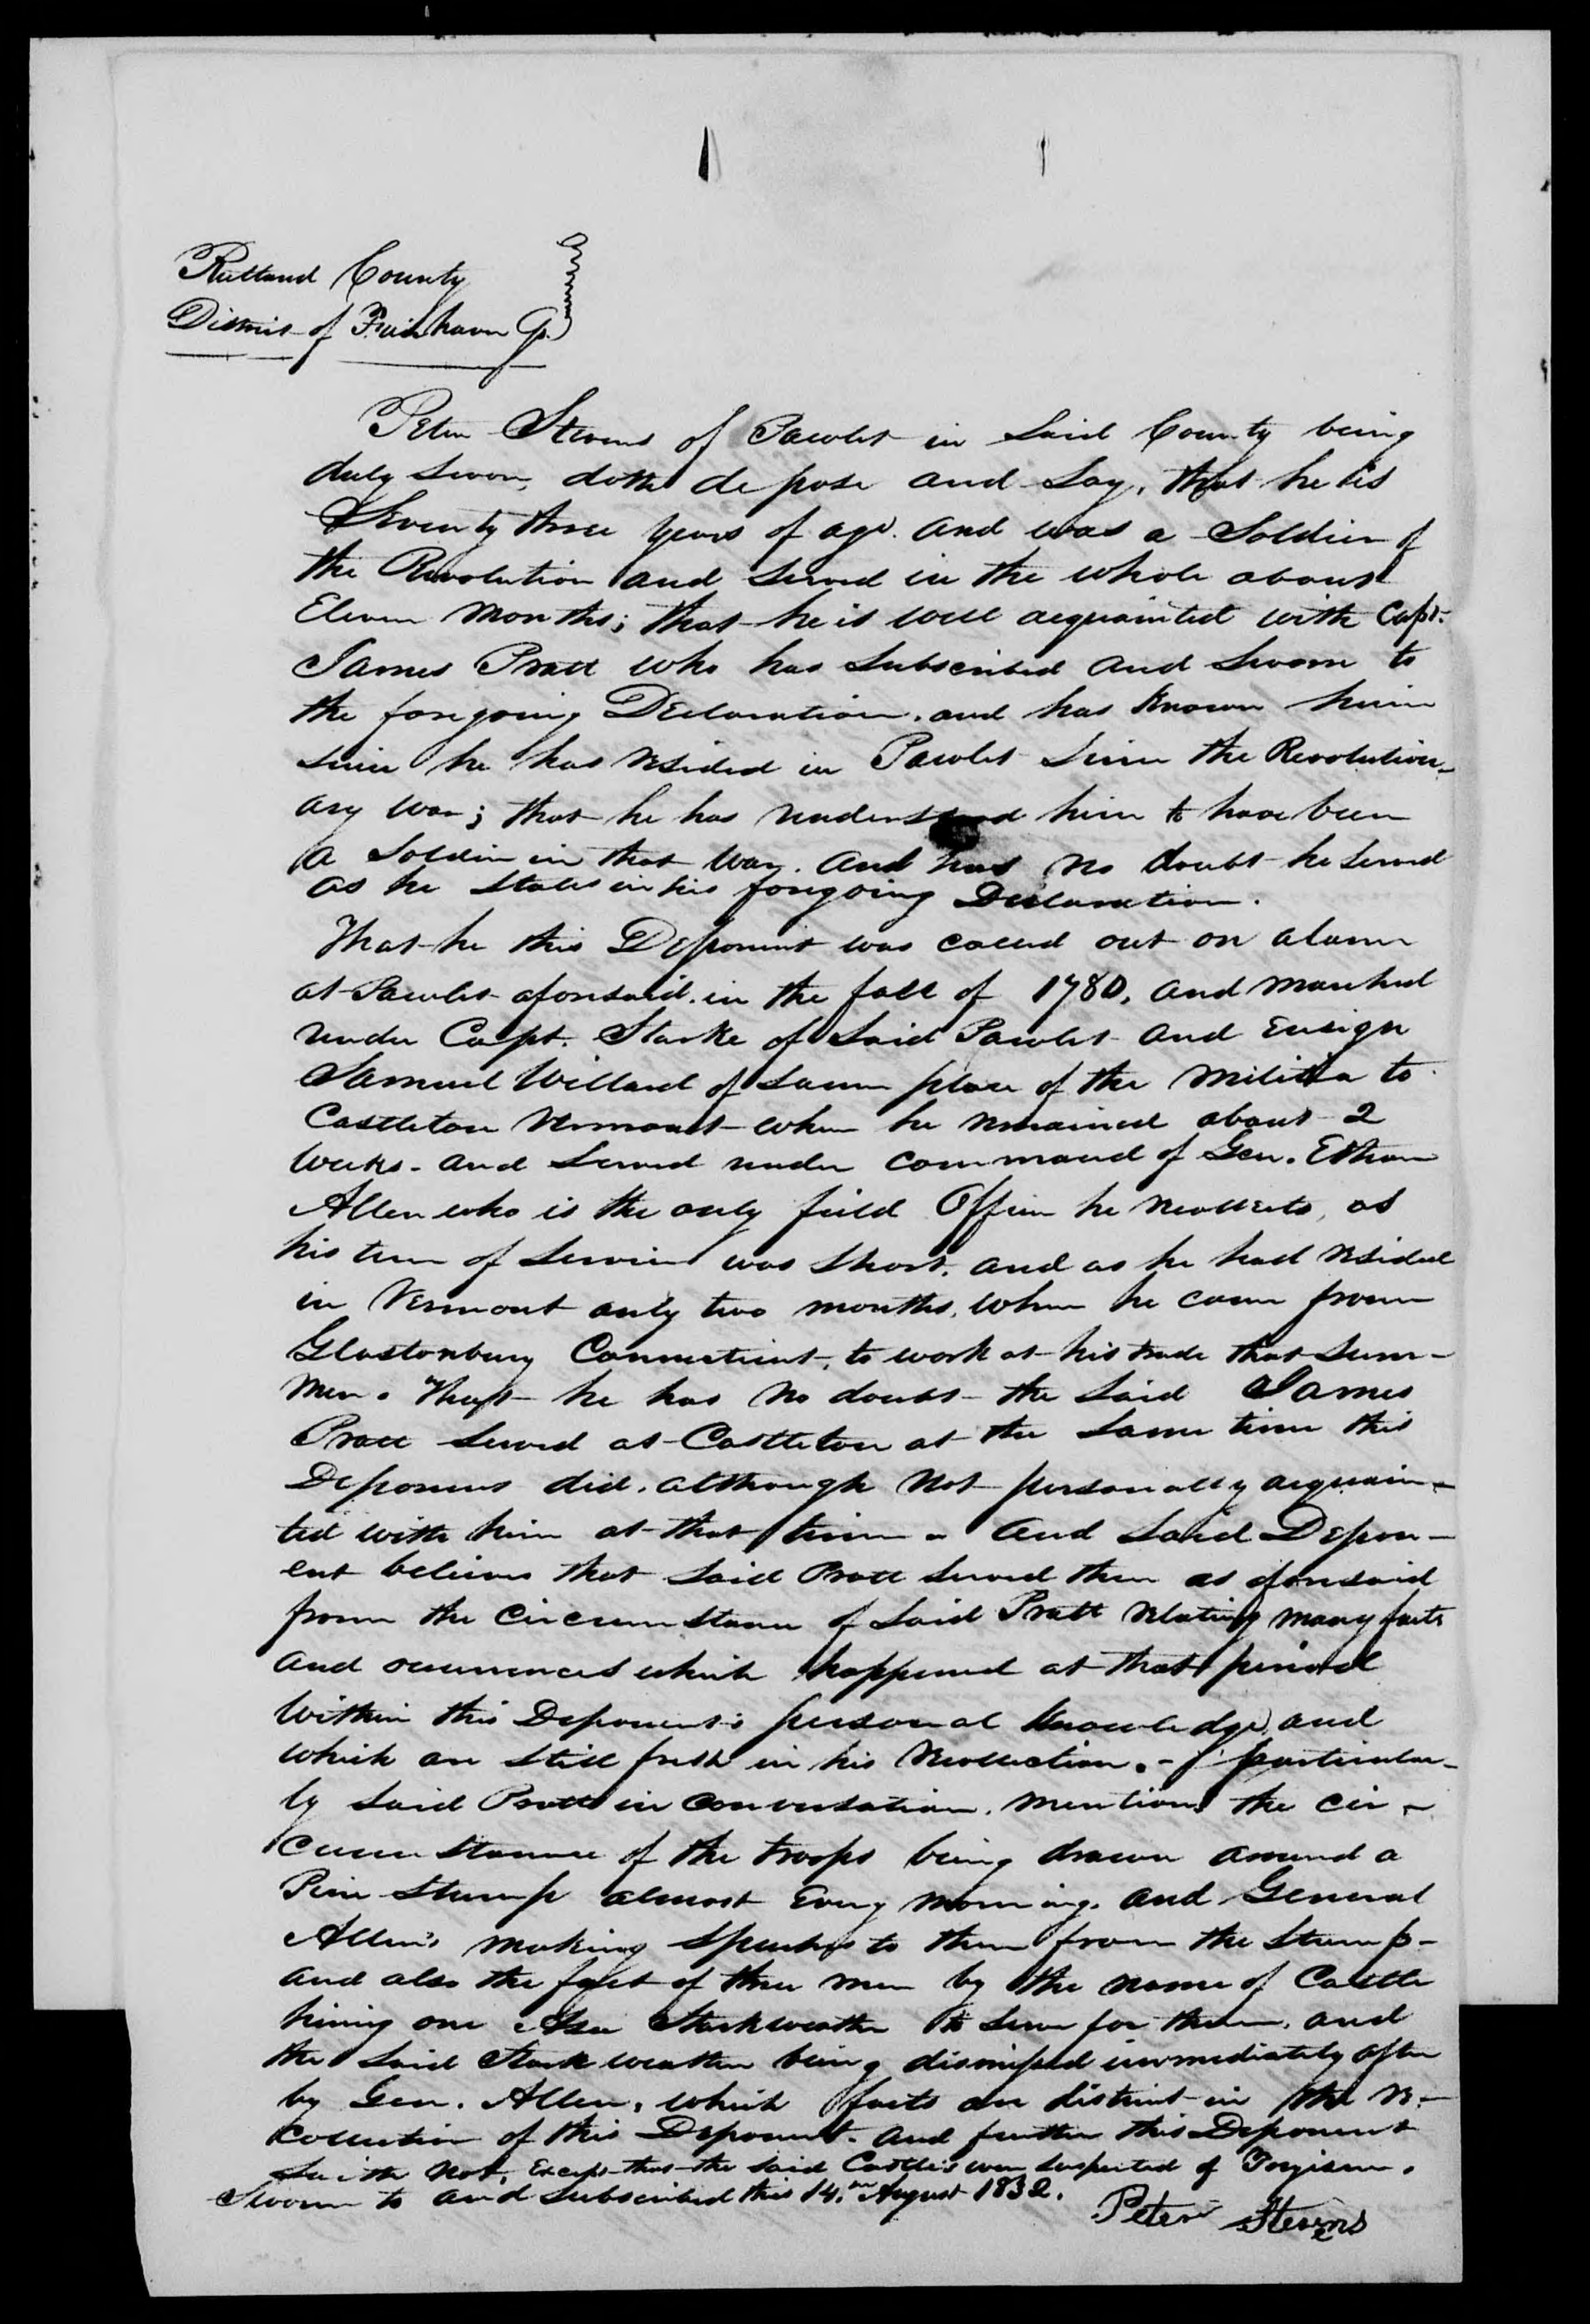Rutland County
District of Fairhaven

Peter Stevens of Pawlet in said County being
duly sworn, doth depose and say, that he is
Seventy three years of age and was a Soldier of
the Revolution and served in the whole about
Eleven months; that he is well acquainted with Capt.
James Pratt who has subscribed and sworn to
the foregoing Declaration, and has known him
she has resided in Pawlet since the Revolutionary
 war; that he has understood him to have been
a soldier in that way, and has no doubt he served
as he states in his foregoing declaration.
That he this Deponent was called out on alarm
at Pawlet aforesaid in the fall of 1780, and marched
under Capt. Starke of Said Pawley and Ensign
Samuel Willard of same place of the Militia to
Castleton Vermont where he remained about 2
weeks. and served under command of Gen Ethan
Allen who is the only field Officer he recollect, as
his time of service was short, and as he had resided
in Vermont only two months, when he came from
Glastonbury Connecticut, to work at his trade that summer.
 That he has no doubt the said James
Pratt served at Castleton at the same time this
Deponent did, although not personally acquainted
 with him at that time -  and said Deponent
believes that said Pratt served then as aforesaid
from the circumstance of said Pratt relating many facts
and occurrences which happened at that period
within this Deponent’s personal knowledge and
which are still fresh in his recollection. Particularly
 said Pratt in conversation mention their
  circumstance of the troops being drawn around a
Pine Stump almost every morning, and General
Allen's making Speeches to them from the stump-
and also the fact of three men by the name of Castle-
 being one [Adam] Starkweather to serve for them and
the said Starkweather being dismissed immediately after
by Gen. Allen, which facts are distinct in the recollection
 of this Deponent and further this Deponent saith not, 
except that the said Castles were [disputed] of [Ticonderoga]
Sworn to and subscribed this 14th August 1832. Peter Stevens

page: 6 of 29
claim: survivor's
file: S. 14,222, for James Pratt, Vermont